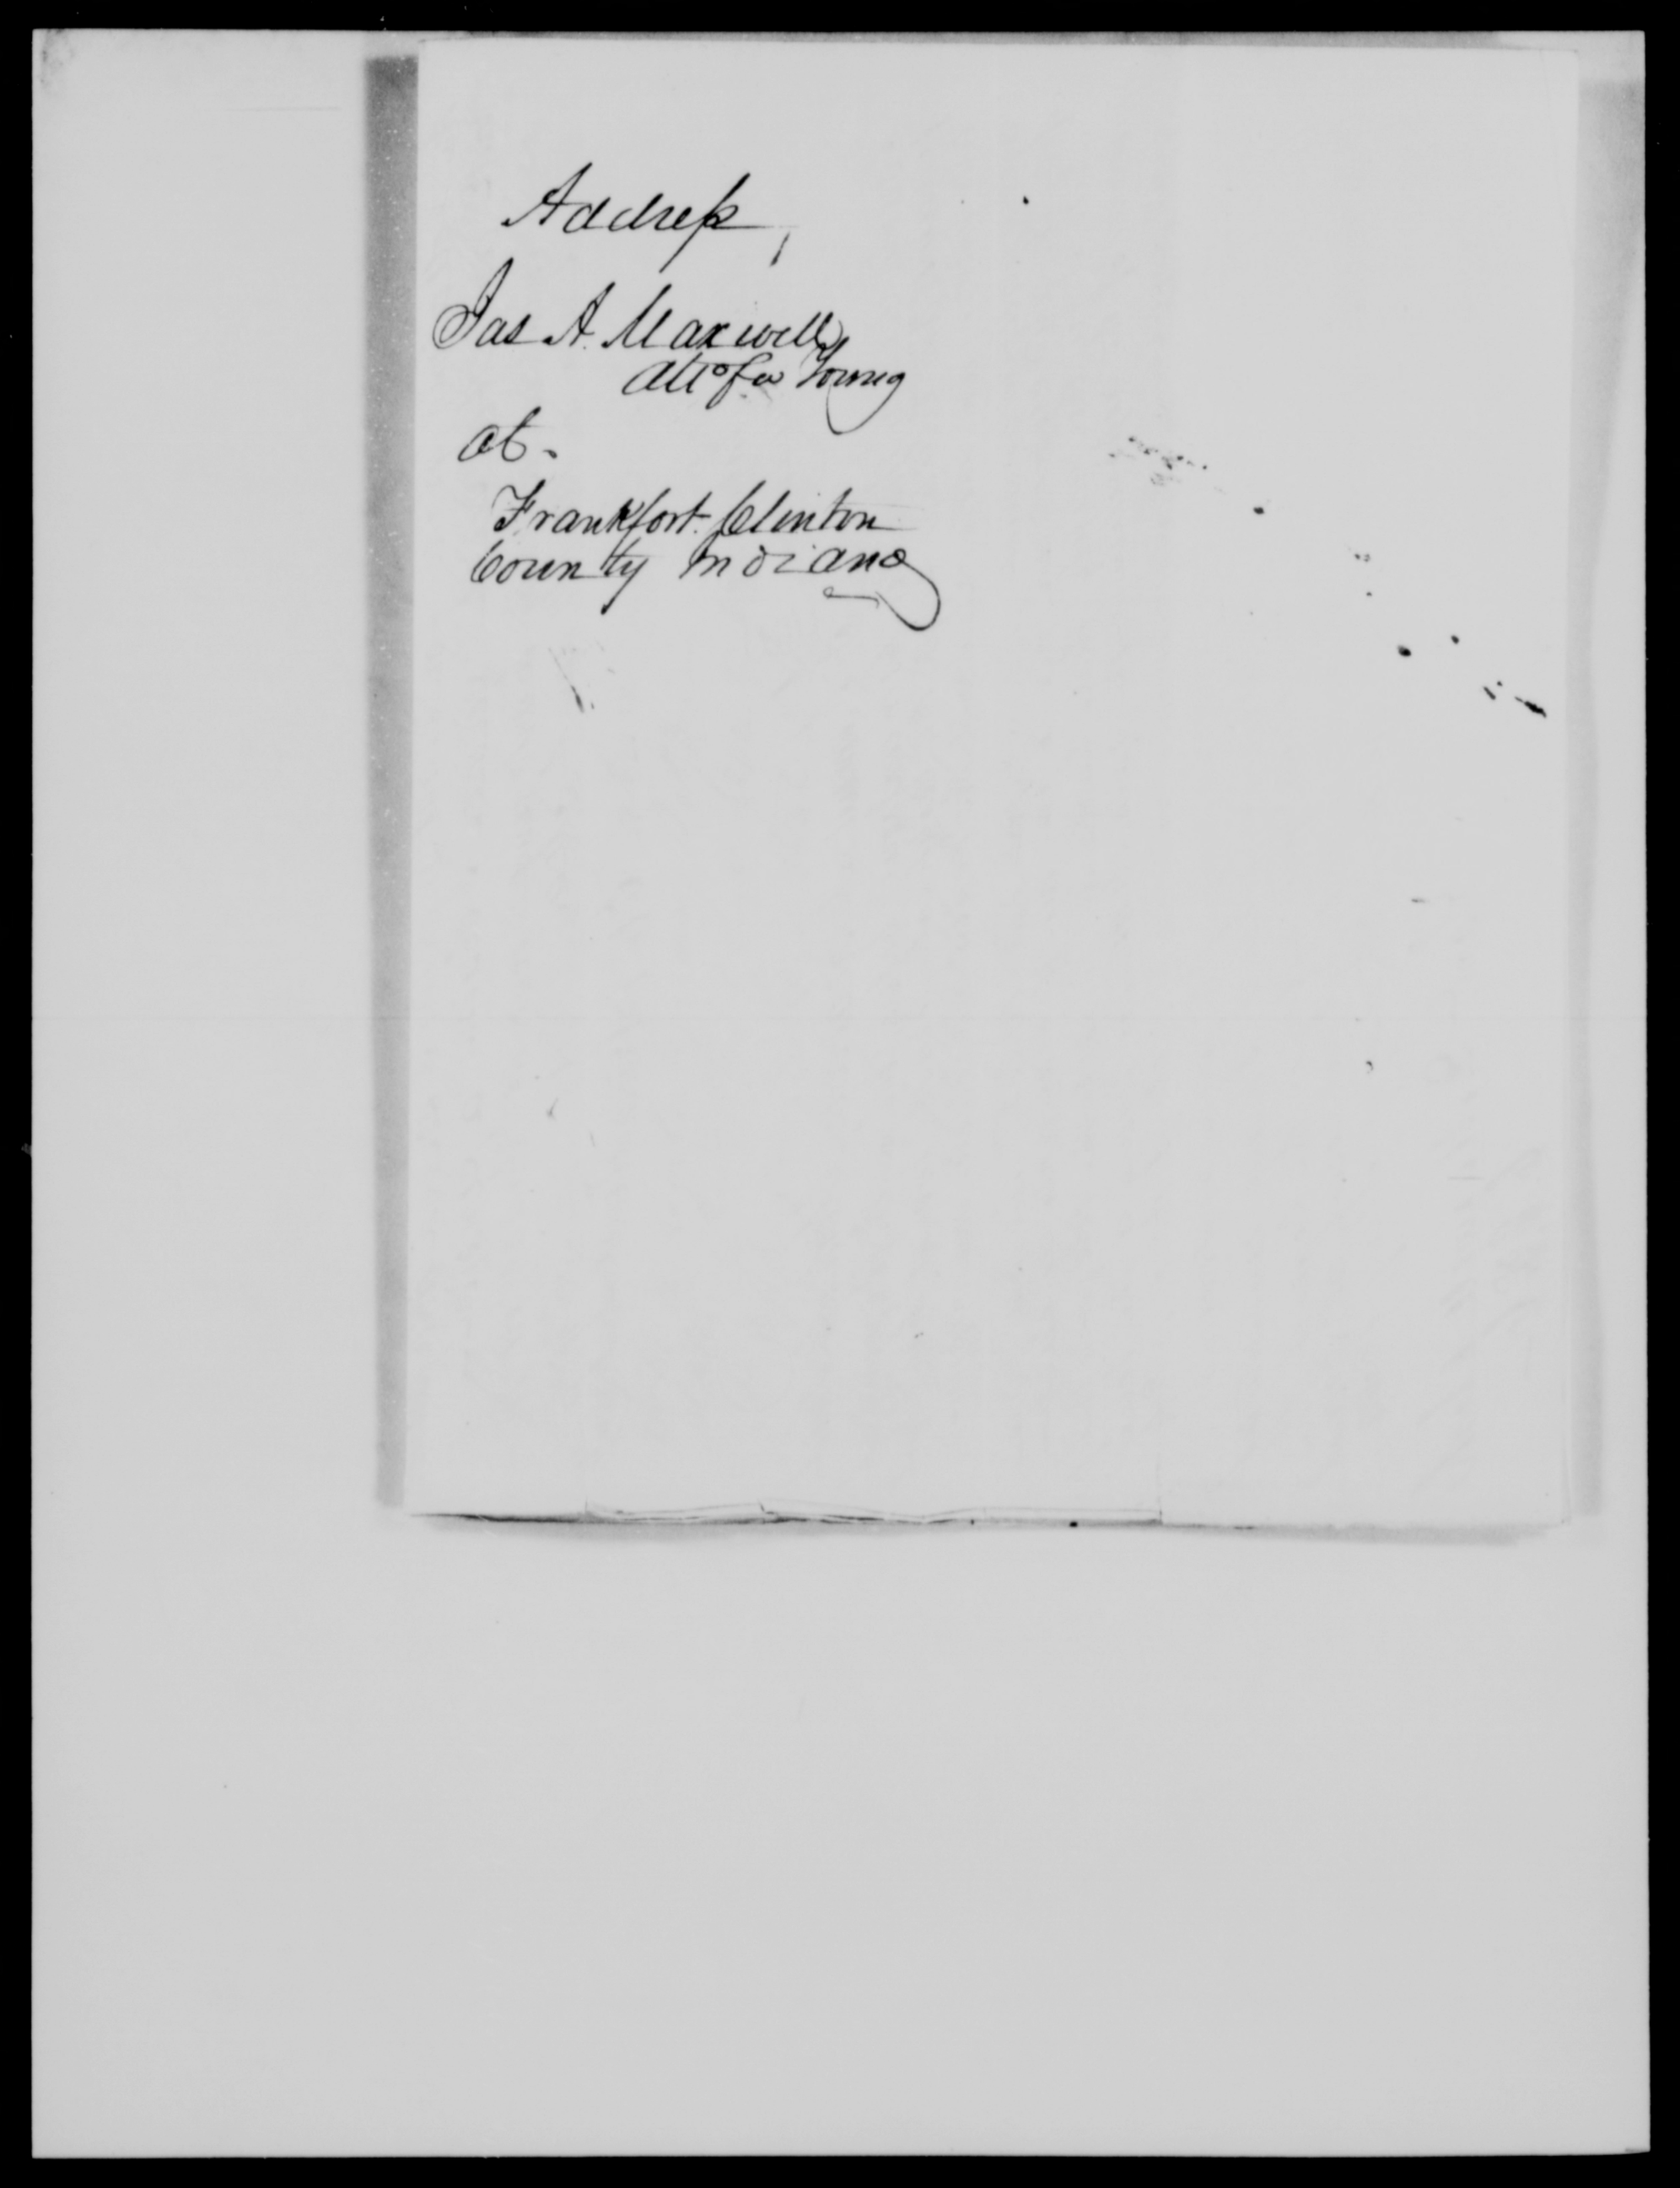Address,
at
Jas A. Maxwell
Att'y for Young
at
Frankfort, Clinton
County Indiana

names: Jas A Maxwell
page: 4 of 123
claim: rejected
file: R. 11,949, Matthias Young, Md.